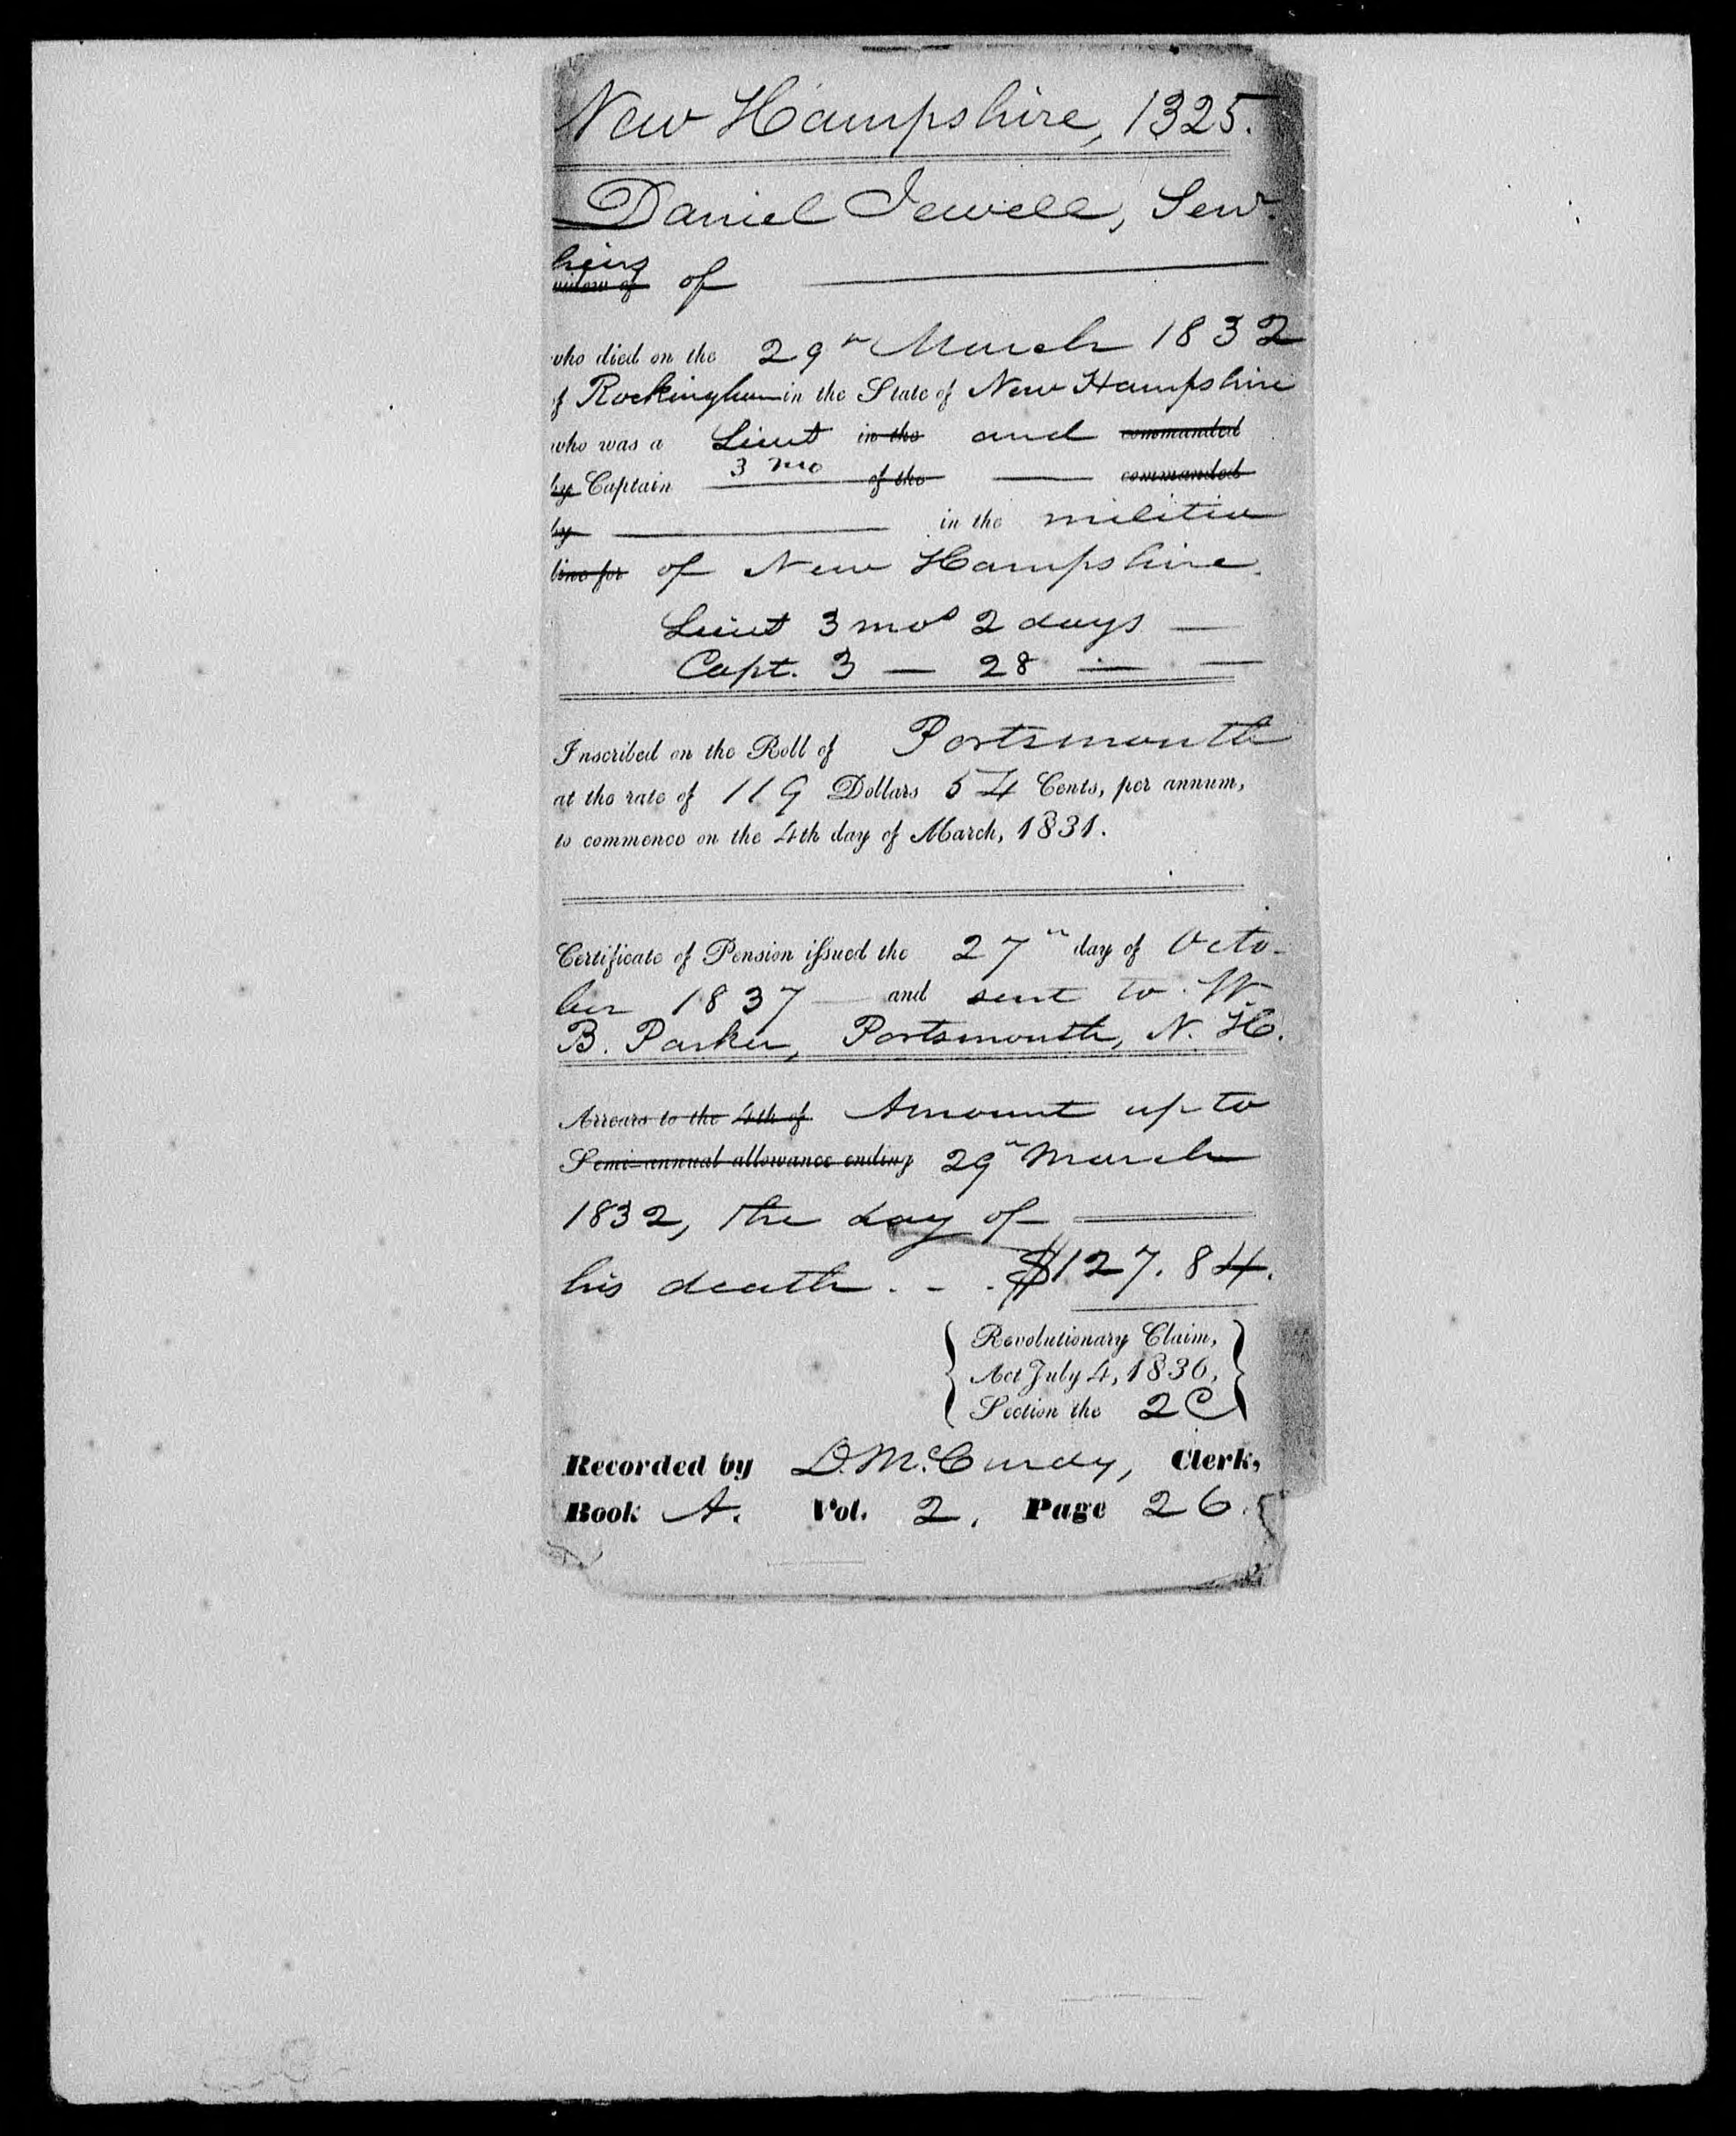New Hampshire, 1325.
-
Daniel Jewell, Lieut. being of ___ who died on the 29th March 1832 of Rockingham in the State of New Hampshire who was a Lieut. and Captain3 mos. in the militia of New Hampshire
Lieut 3 mos. 2 days
Capt. 3 mos. 28 days
-
Inscribed on the Roll of Portsmouth
at the rate of 119 Dollars 54 Cents per annum,
to commence on the 4th day of March, 1831.
-
Certificate of Pension issued the 27th day of October 1837 and sent to W. B. Parker,
Portsmouth, N.H
---
Amount up to 29th March 1832, the day of 
his death $127.84.

{Revolutionary Claim, Act July 4, 1836 Section the 2c}
Recorded by D. McCurdy, Clerk, 
Book A. Vol. 2, Page 26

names: D Mc Curdy; W B Parker; Daniel Jewell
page: 2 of 35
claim: survivor's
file: S. 10912, for Daniel Jewell, New Hampshire